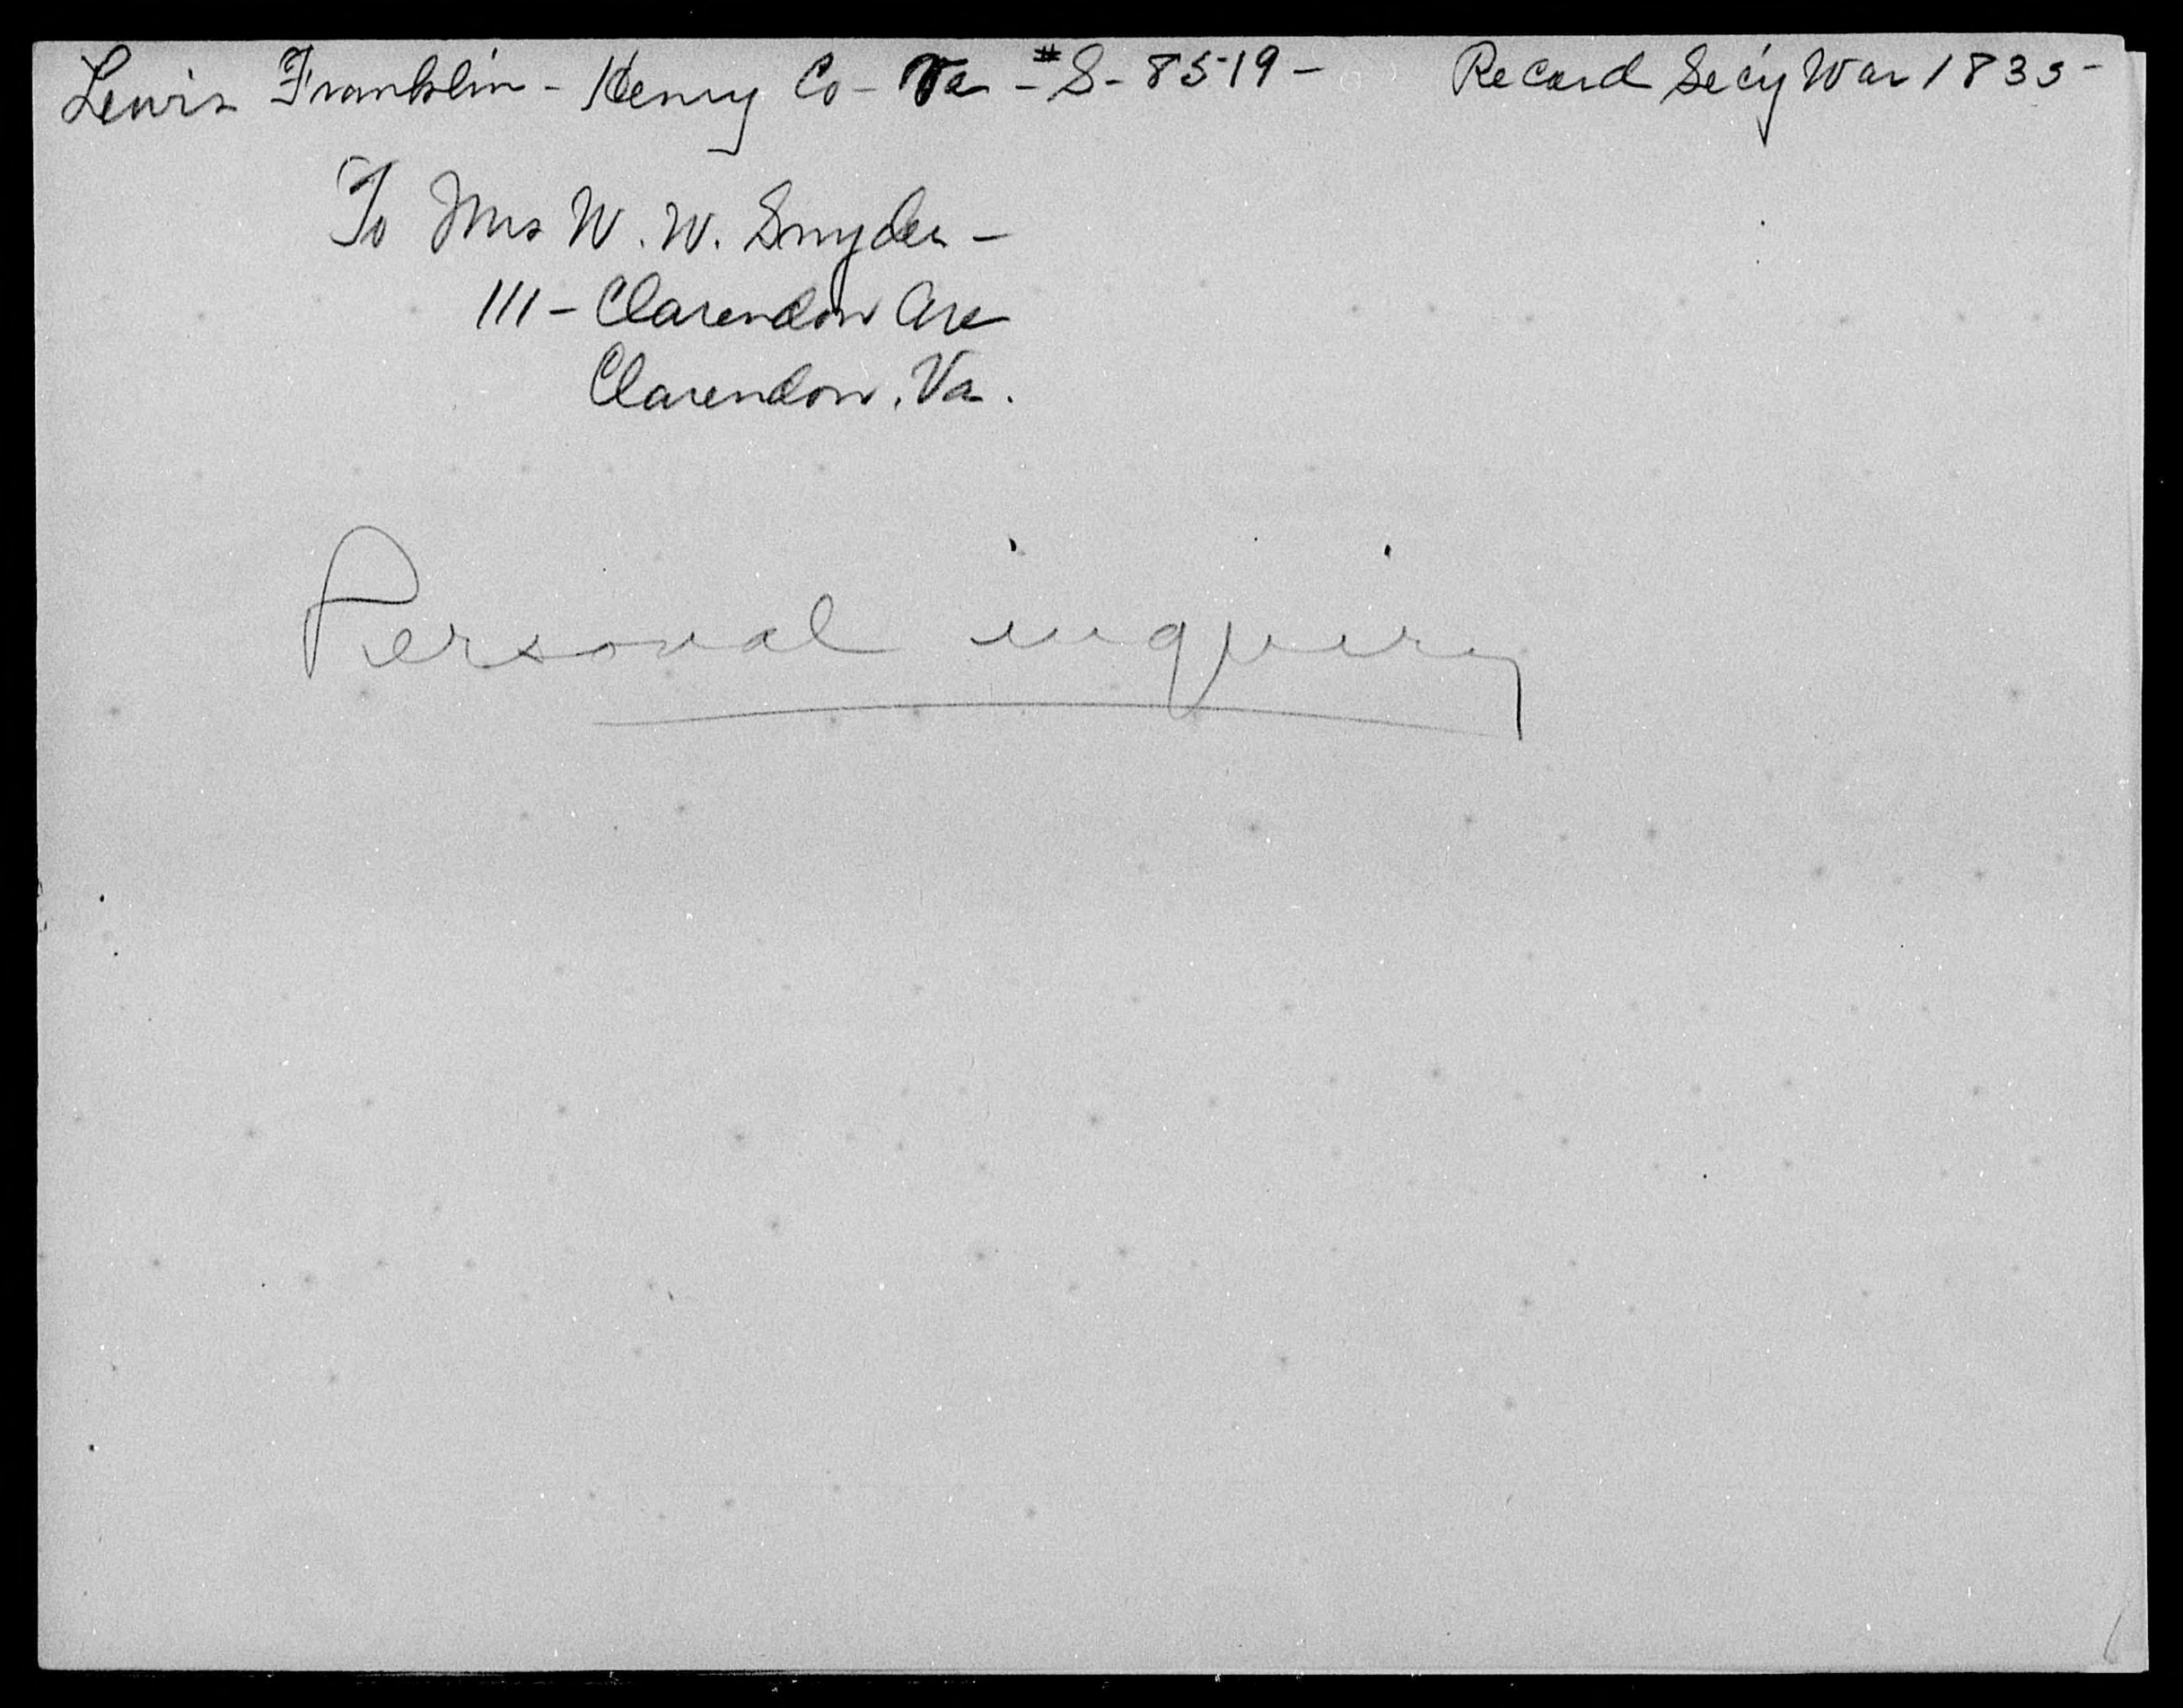Lewis Franklin -Henry Co.- N #&.8519
Record Secy War 
To Mrs W. W. Snyder
111 - Clarendon are
Clarendon, Va.
Personal Inquiry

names: W W Snyder, Lewis Franklin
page: 14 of 20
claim: survivor's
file: S. 8519, Lewis Franklin, N.C. Va.